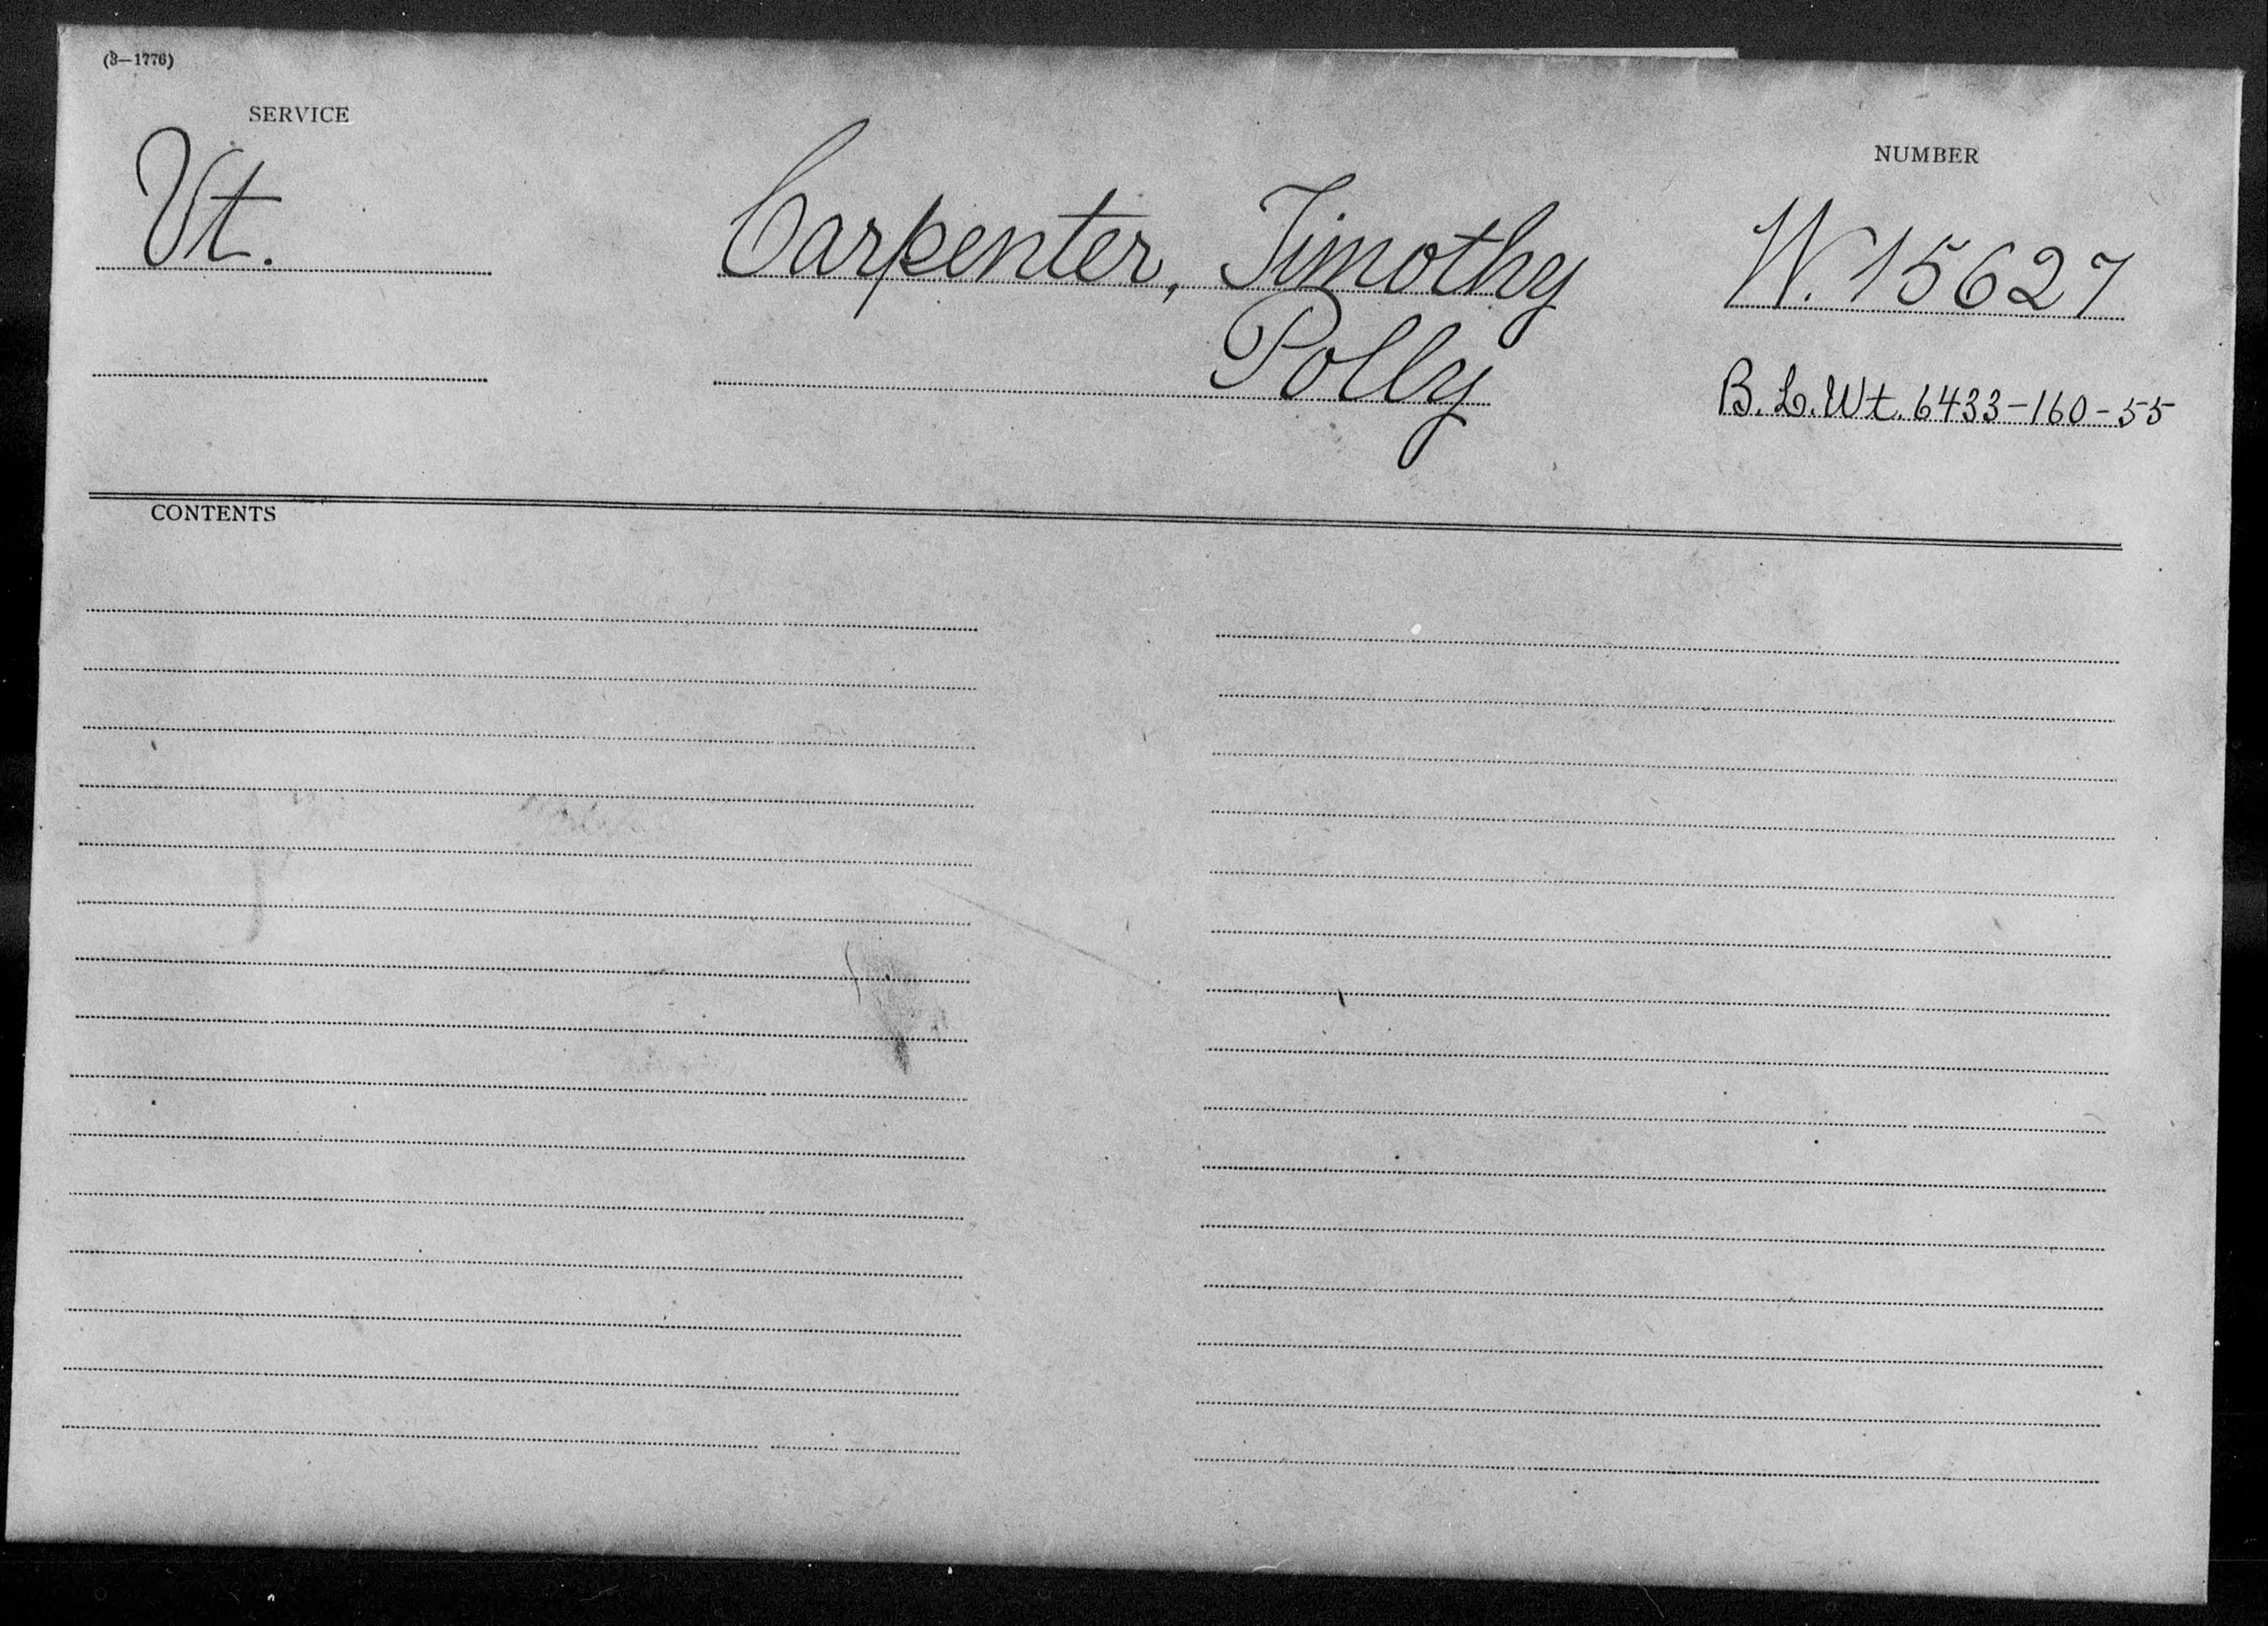Service
Timothy Carpenter
Number W15627

Polly Carpenter
Number BLWT6433-160-55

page: 1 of 41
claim: widow's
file: W. 15627, Timothy Carpenter, Vt.